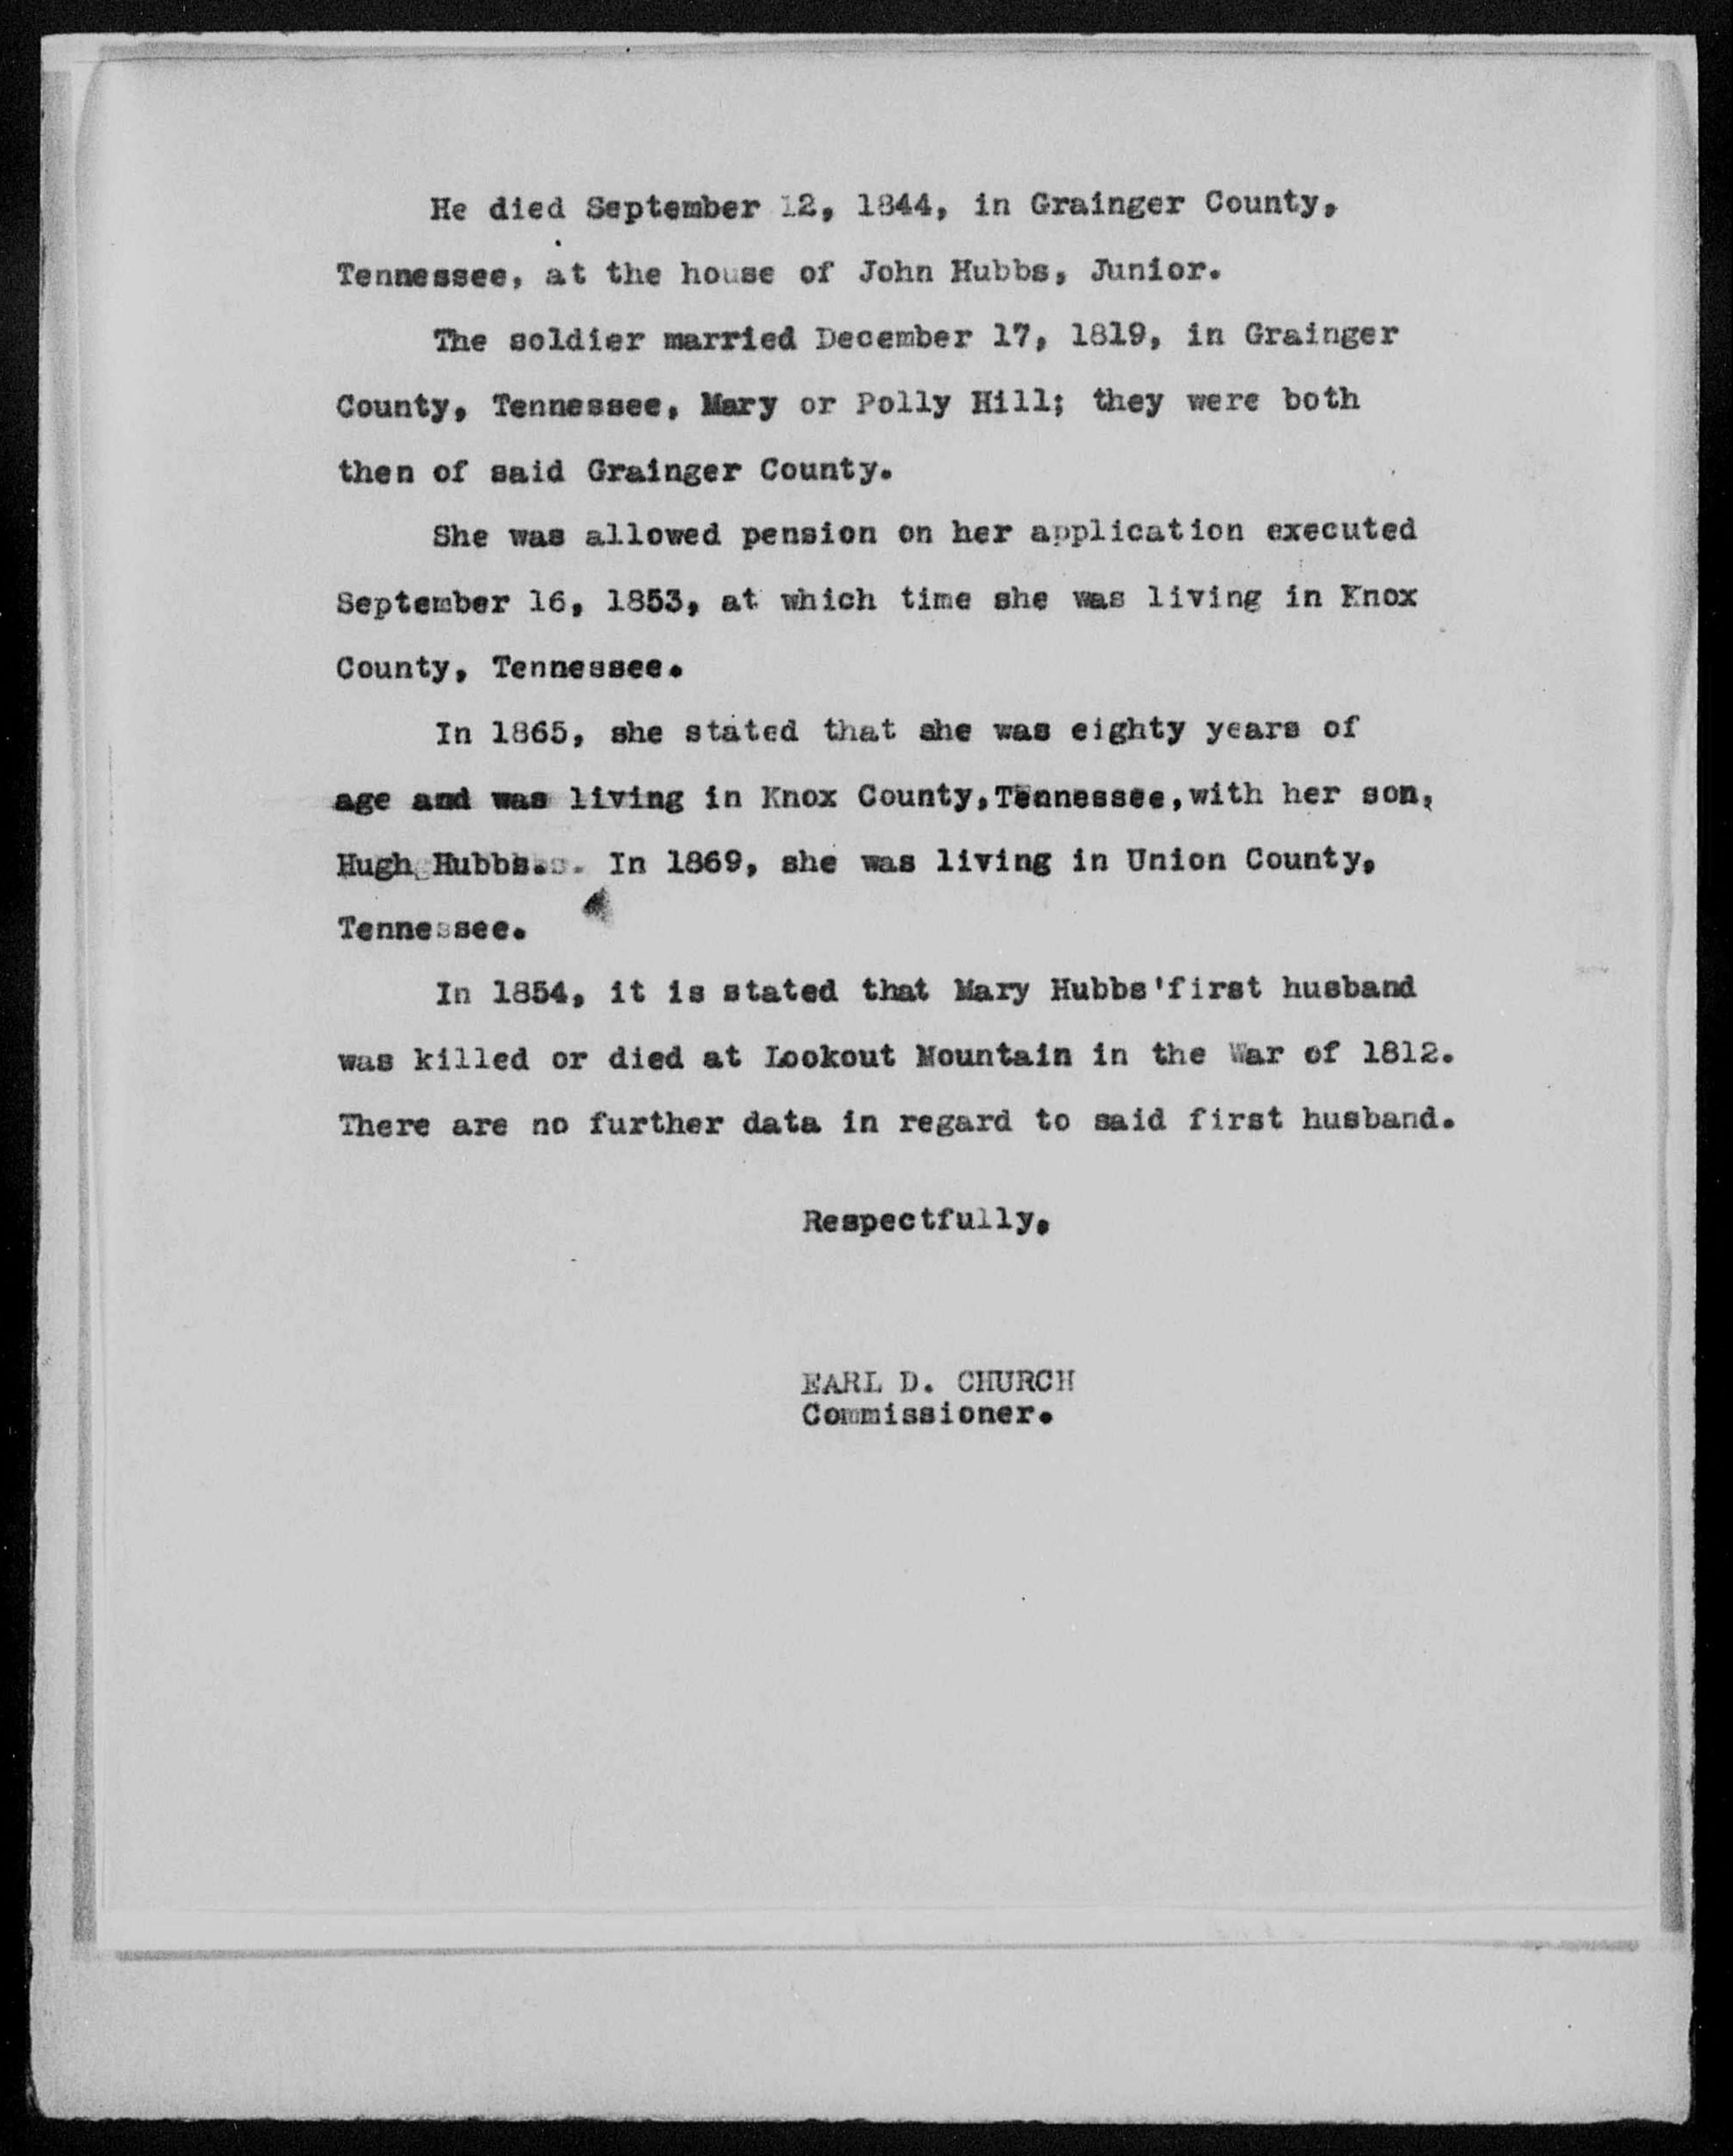He died September 12, 1344, in Grainger County,
Tennessee, at the house of John Hubbs, Junior.

The soldier married December 17, 1819, in Grainger
County, Tennessee, Mary or Polly Hill; they were both then of said Grainger County.

She was allowed pension on her application executed
September 16, 1853, at which time she was living in Knox
County, Tennessee.

In 1865, she stated that ahe was eighty years of 
age and was living in Knox County, Tennessee, with her son, Hugh Hubbles. In 1869, she was living in Union County, Tennessee.

In 1854, it is stated that Mary Hubbs' first husband 
was killed or died at Lookout Mountain in the War of 1812.
There are no further data in regard to said first husband.

Respectfully.
EARL D.. CHURCH
Commissioner.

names: Earl D Church, Hugh Hubbs, Polly Hill, Mary Hubbs, John Hubbs, Mary Hill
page: 24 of 86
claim: widow's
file: W. 1035, John Hubbs, S.C.